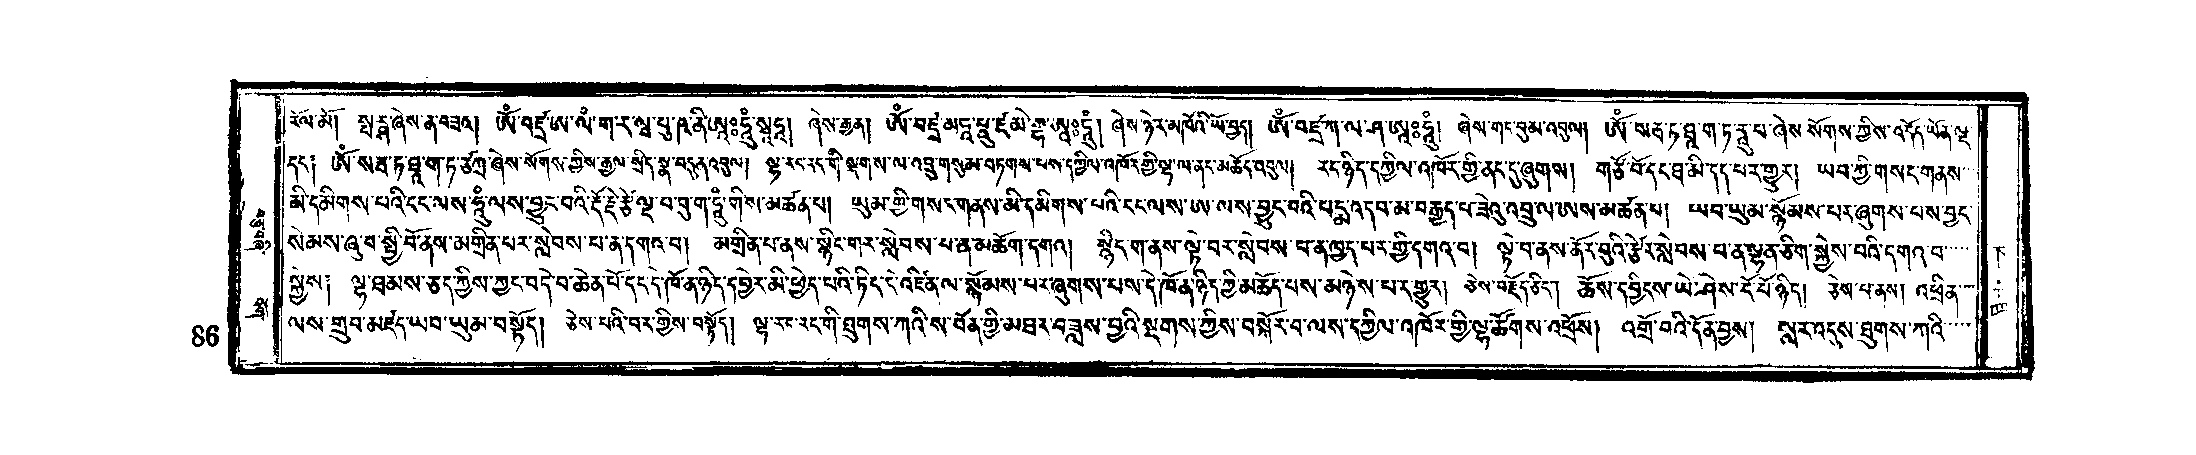རོལ་མོ། སྤརྴ་ཞེས་ན་བཟའ། ཨོཾ་བཛྲ་ཨ་ལཾ་ག་ར་ཝ་པུ་ཥ་ནི་ཨཱཿ ཧཱུཾ་སྭཱཧཱ། ཞེས་རྒྱན། ཨོཾ་བཛྲ་མཧཱ་པཱུ་ཛ་མེ་གྷ་ཨཱཿ ཧཱུཾ། ཞེས་ཉེར་མཁོའི་ཡོ་བྱད། ཨོཾ་བཛྲ་ཀ་ལ་ཤ་ཨཱཿ ཧཱུཾ། ཞེས་གང་བུམ་འབུལ། ཨོཾ་སརྦ་ཏ་ཐཱ་ག་ཏ་རཱུ་པ་ཞེས་སོགས་ཀྱིས་འདོད་ཡོན་ལྔ་
དང་། ཨོཾ་སརྦ་ཏ་ཐཱ་ག་ཏ་ཙཀྲ་ཞེས་སོགས་ཀྱིས་རྒྱལ་སྲིད་སྣ་བདུན་འབུལ། ལྷ་རང་རང་གི་སྔགས་ལ་འབྲུ་གསུམ་བཏགས་པས་དཀྱིལ་འཁོར་གྱི་ལྷ་ལ་ནང་མཆོད་འབུལ། རང་ཉིད་དཀྱིལ་འཁོར་གྱི་ནང་དུ་ཞུགས། གཙོ་བོ་དང་ཐ་མི་དད་པར་གྱུར། ཡབ་ཀྱི་གསང་གནས་
མི་དམིགས་པའི་ངང་ལས་ཧཱུཾ་ལས་བྱུང་བའི་རྡོ་རྗེ་རྩེ་ལྔ་བ་བུ་ག་ཧཱུཾ་གིས་མཚན་པ། ཡུམ་གྱི་གསང་གནས་མི་དམིགས་པའི་ངང་ལས་ཨ་ལས་བྱུང་བའི་པདམ་འདབ་མ་བརྒྱད་པ་ཟེའུ་འབྲུ་ལ་ཨས་མཚན་པ། ཡབ་ཡུམ་སྙོམས་པར་ཞུགས་པས་བྱང་
སེམས་ཞུ་བ་སྤྱི་བོ་ནས་མགྲིན་པར་སླེབས་པ་ན་དགའ་བ། མགྲིན་པ་ནས་སྙིང་གར་སླེབས་པ་ན་མཆོག་དགའ། སྙིང་ག་ནས་ལྟེ་བར་སླེབས་པ་ན་ཁྱད་པར་གྱི་དགའ་བ། ལྟེ་བ་ནས་ནོར་བུའི་རྩེར་སླེབས་པ་ན་ལྷན་ཅིག་སྐྱེས་པའི་དགའ་བ་
སྐྱེས། ལྷ་ཐམས་ཅད་ཀྱིས་ཀྱང་བདེ་བ་ཆེན་པོ་དང་དེ་ཁོ་ན་ཉིད་དབྱེར་མི་ཕྱེད་པའི་ཏིང་ངེ་འཛིན་ལ་སྙོམས་པར་ཞུགས་པས་དེ་ཁོ་ན་ཉིད་ཀྱི་མཆོད་པས་མཉེས་པར་གྱུར། ཅེས་བརྗོད་ཅིང་། ཆོས་དབྱིངས་ཡེ་ཤེས་ངོ་བོ་ཉིད། ཅེས་པ་ནས། འཕྲིན་
ལས་གྲུབ་མཛད་ཡབ་ཡུམ་བསྟོད། ཅེས་པའི་བར་གྱིས་བསྟོད། ལྷ་རང་རང་གི་ཐུགས་ཀའི་ས་བོན་གྱི་མཐར་བཟླས་བྱའི་སྔགས་ཀྱིས་བསྐོར་བ་ལས་དཀྱིལ་འཁོར་གྱི་ལྷ་ཚོགས་འཕྲོས། འགྲོ་བའི་དོན་བྱས། སླར་འདུས་ཐུགས་ཀའི་